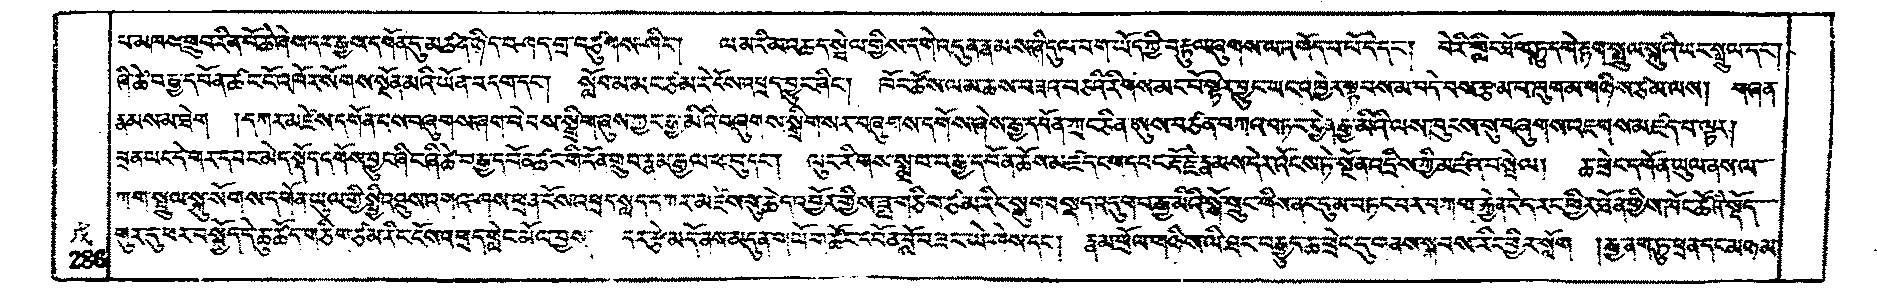པ་མཁས་གྲུབ་རིན་པོ་ཆེ་ཞེས་དར་རྒྱས་དགོན་དུ་མཚན་ཉིད་བཤད་གྲ་བཙུགས་ཤིང་། ལམ་རིམ་འཆད་སྤེལ་གྱིས་དགེ་འདུན་རྣམ་ཞི་དུལ་བག་ཡོད་ཀྱི་བརྟུལ་ཞུགས་ལ་འགོད་པ་པོ་དེ་དང་། པེ་རི་གླིང་ཐོག་ཏུ་དགེ་རྟག་སྤྲུལ་སྐུའི་ཡང་སྤྲུལ་དང་།
ཞི་ཚེ་བརྒྱ་དཔོན་ཚང་ངོ་འཁོར་སོགས་སྔོན་མའི༈ཡོན་བདག་དང་། སློབ་མ་མང་ཙམ་རེ་ངོས་འཕྲད་བྱུང་ཞིག། ཁོང་ཚོས་ལམ་ཆས་བཟའ་བཅའི་རིས་མང་པོ་སྟེར་བྱུང་ཡང་འཁྱེར་སྟབས་མ་བདེ་བས་རྩམ་པ་ཁུག་མ་གཉིས་ཙམ་ལས། གཞན་

རྣམས་མ་ཐེག །དཀར་མཛ་ས་དགོན་པས་བཞུགས་ཞག་ཕེབས་སྒྲིག་ཞུས་ཀྱང་རྒྱ་མིའི་བཞུགས་ས་

དགོན་ཡུལ་
གྱི་སྤྱི་འཐqས་འགའ་ཤས་ཕྲན་ངོས་འཕྲད་སླད་དཀར་མཛེས་སུ་ཆེད་འབྱོར་གྱིས་ཟླ་གཅིག་ཙམ་རིང་སྒུག་བསྡད་འདུག་པ་རྒྱ་མིའི་སྒོ་སྲུང་གིས་ནང་དུ་མ་བཏང་བར་བཀག་རྐྱེན་ངེད་རང་ཕྱིར་ཐོན་གྱིས་ཁོང་ཚོའི་སྡོད་
གུར་དུ་ཕq་

ང་། དཔལ་ལྡན། བློ་བཟང་ཤེས་རབ་བཅས་གསུམ་ཁྲིད་ནས་འར་ལ་སན་དུ་གྲགས་པའི་ལ་ཆེན་དེ་བརྒལ་ནས་གཡའ་རྔན་ཞེས་པའི་རྒྱ་ཡུལ་ནོར་འཛིན་གྱི་ཐིག་ལེར་སོན། སྤོའོ་སྤྲ་མོ་ནས་

བཟུང་འདིར་སླེབས་ཀྱི་བར་ཉིན་ལྟར་མོ་ཊོར་ཐོག་ཉིན་ཧྲིལ་པོར་བསྐྱོད་དགོས་སྟབས་མགོ་ན་ཞིང་སྐྱུག་མེར་བྱེད་པ་སོགས་ཀྱིས་ཉིན་རེ་བཟའ་བཏུང་ཡང་ཉུང་ཟད་ལས་སྤྱོད་མ་ནུས། མུ་ལི་སྐྱབས་མགོན་སྤྲུལ་སྐུ་དང་། མུ་ལི་རྒྱལ་པོ་

དཔོན་གཡ་ག་རྣམས་དེར་ཡོད་དང་སྟབས་འགྲིགས་ཀྱིས་ངོས་འཕྲད་དུ་ཕེབཔ་
མཆོག་སྐུ་འི་